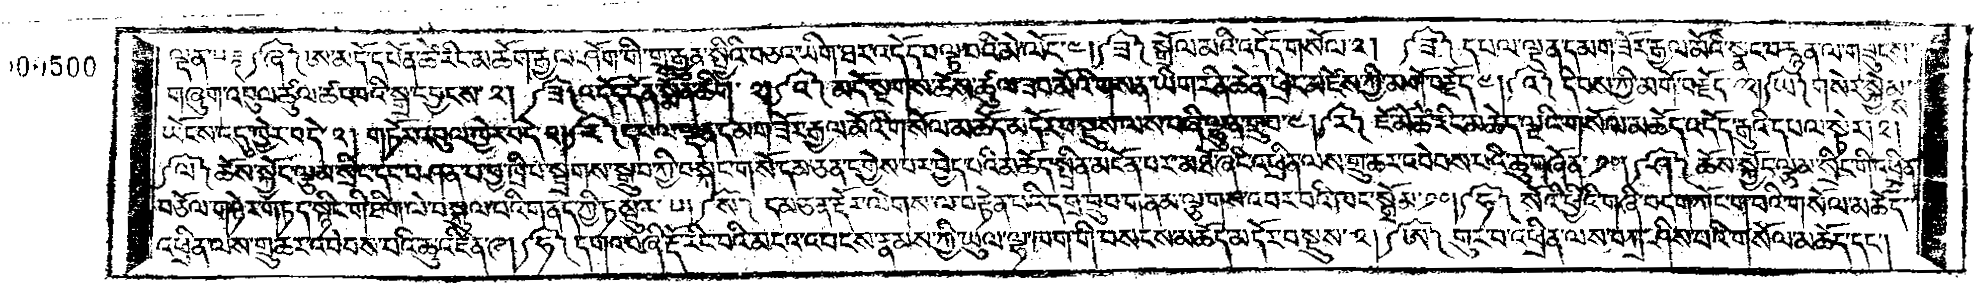ལྡན ༥་༈ ༼ཞ༽ ཨ་མདོ་དཔོན་ཚེ་རིང་མཆོག་རྒྱལ་ཤོག་གི་གྲྭ་རྒྱུན་སྤྱིའི་བཅའ་ཡིག་ཐར་འདོད་བལྟ་བའི་མེ་ལོང༤། ༼ཟ༽ སྒྲོལ་མའི་འདོད་གསོལ ༢། ༼ཟ༽ དཔལ་ལྡན་དམག་ཟོར་རྒྱལ་མོའི་སྣང་བརྙན་ལ་གཟུངས་
གཞུག་འབུལ་ཚུལ་ཚང་བའི་སྒྲ་དབྱངས ༢། ༼ཟ༽ འདོད་དོན་སྨོན་ཚིག ༢། ༼འ༽ མདོ་སྔགས་ཆོས་ཚུལ་ཟབ་མོའི་གསན་ཡིག་རིན་ཆེན་ཕྲེང་མཛེས་ཀྱི་མགོ་བརྗོད༤། ༼འ༽ འདེབས་ཀྱི་མགོ་བརྗོད ༣། ༼ཡ༽ གསེར་སྐྱེམས་
ཡོངས་འདུ་ཁྱེར་བདེ ༢། གཏོར་འབུལ་ཁྱེར་བདེ ༢། ༼ར༽ དཔལ་ལྡན་དམག་ཟོར་རྒྱལ་མོའི་གསོལ་གསོལ་མཆོད་མདོར་བསྡུས་ལས་བཞི་ལྷུན་གྲུབ ༤། ༼ར༽ ཛ་ཚེ་རིང་མཆེད་ལྔའི་གསོལ་མཆོད་འདོད་རྒུའི་དཔལ་སྟེར། ༢།
༼ལ༽ ཆོས་སྐྱོང་ལྕམ་སྲིང་དང་བཤན་པ་བྱ་ཁྲི་པ་སྦྲགས་སྒྲུབ་ཀྱི་བསྐང་གསོ་དམ་ཅན་དགྱེས་བར་བྱེད་པའི་མཆོད་སྤྲིན་མངོན་པར་མཐོ་ཞིང་འཕྲིན་ལས་གྲུ་ཆར་འབེབས་པའི་ཆུ་གཞོན༡༠། ༼ཤ༽ ཆོས་སྐྱོང་ལྕམ་སྲིང་གི་འ་ཕྲིན་
བཅོལ་གཉེར་གཏད་སྙིང་གི་ཐིག་ལེ་བསྐུལ་བའི་གནད་ཀྱི་ཏམྦུར ༥། ༼ས༽ དམ་ཅན་རྡོར་ལེགས་ལ་བརྟེན་པའི་དགྲ་བྲུབ་གནམ་ལྕགས་འབར་བའི་ཁང་སྒྲོམ ༡༠། ༼ཧ༽ སོའི་ཕྱིའི་གཞི་བདག་ཀོང་ག་བའི་གསོལ་མཆོད་
འཕྲིན་ལས་གྲུ་ཆར་འབེབས་པའི་ཆུ་འཛིན༩། ༼ཧ༽ དགའ་བཞི་རྡོ་རིང་བའི་མངའ་འབངས་རྣམས་ཡི་ཡུལ་ལྷ་ཁག་གི་བསངས་མཆོད་མདོར་བསྡུས༢། ༼ཨ༽ གུར་བ་འཕྲིན་ལས་བཀྲ་ཤིས་པའི་གསོལ་མཆོད་དང་།